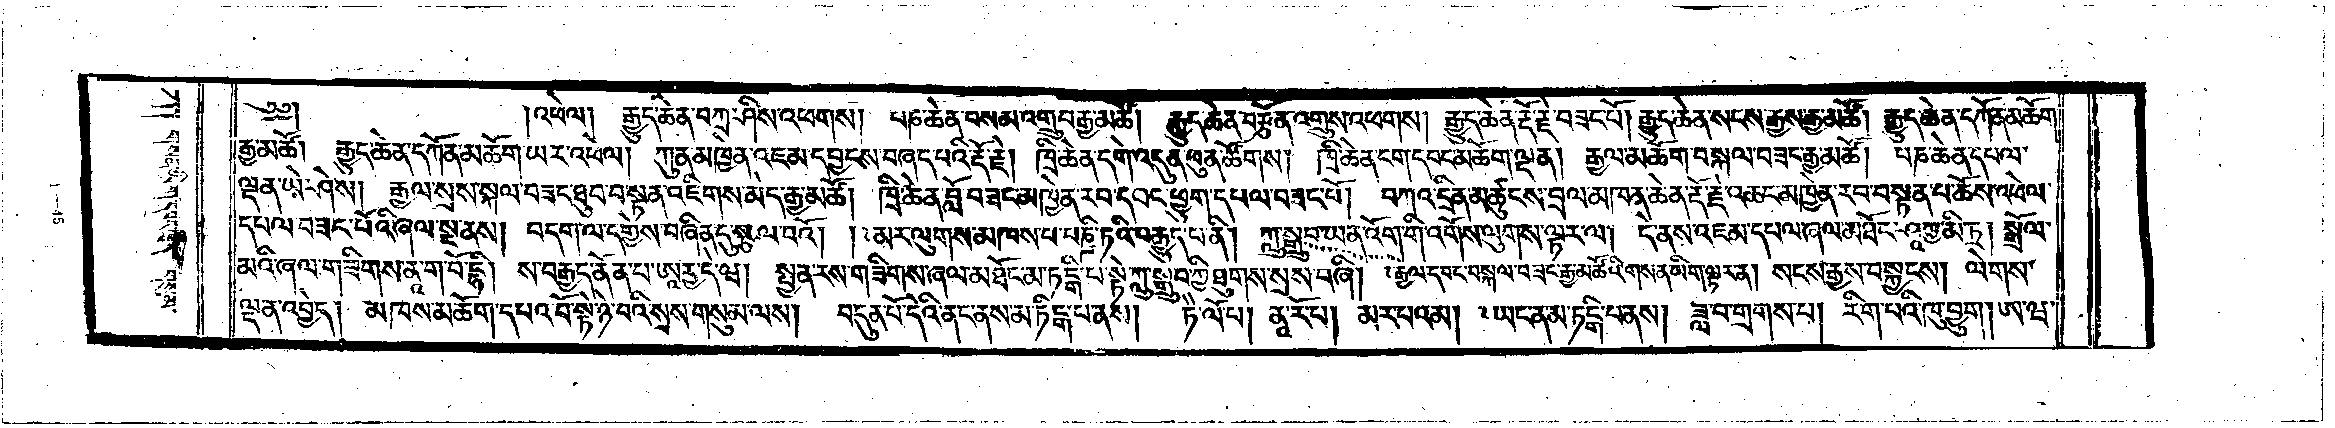༄༅། །འཕེལ། རྒྱུད་ཆེན་བཀྲ་ཤིས་འཕགས། པཎ་ཆེན་བསམ་འགྲུབ་རྒྱ་མཚོ། རྒྱུད་ཆེན་བརྩོན་འགྲུས་འཕགས། རྒྱུད་ཆེན་རྡོ་རྗེ་བཟང་པོ། རྒྱུད་ཆེན་སངས་རྒྱས་རྒྱ་མཚོ། རྒྱུད་ཆེན་དཀོན་མཆོག་
རྒྱ་མཚོ། རྒྱུད་ཆེན་དཀོན་མཆོག་ཡར་འཕེལ། ཀུན་མཁྱེན་འཇམ་དབྱངས་བཞད་པའི་རྡོ་རྗེ། ཁྲི་ཆེན་དགེ་འདུན་ཕུན་ཚོགས། ཁྲི་ཆེན་ངག་དབང་མཆོག་ལྡན། རྒྱལ་མཆོག་བསྐལ་བཟང་རྒྱ་མཚོ། པཎ་ཆེན་དཔལ་
ལྡན་ཡེ་ཤེས། རྒྱལ་སྲས་སྐལ་བཟང་ཐུབ་བསྟན་འཇིགས་མེད་རྒྱ་མཚོ། ཁྲི་ཆེན་བློ་བཟང་མཁྱེན་རབ་དབང་ཕྱུག་དཔལ་བཟང་པོ། བཀའ་དྲིན་མཚུངས་བྲལ་མཁན་ཆེན་རྡོ་རྗེ་འཆང་མཁྱེན་རབ་བསྟན་པ་ཆོས་འཕེལ་
དཔལ་བཟང་པོའི་ཞལ་སྔ་ནས། བདག་ལ་དགྱེས་བཞིན་དུ་སྩལ་བའོ། །མར་ལུགས་མཁས་པ་པཎྜི་ཏའི་བགྱུད་པ་ནི། ཀླུ་སྒྲུབ་་༧་རྒྱལ་དབང་བསྐལ་བཟང་རྒྱ་མཚོའི་གསན་ཡིག་ལྟར་ན།  ཡན་འོག་གི་འགོས་ལུགས་ལྟར་ལ། དེ་ནས་འཇམ་དཔལ་ཞལ་མཐོང་ཤཱཀྱ་མི་ཏྲ། སྒྲོལ་
མའི་ཞལ་གཟིགས་ནཱ་ག་བོ་དྷི། ས་བརྒྱད་ནོན་པ་ཨཱརྱ་དེ་ཝ། སྤྱན་རས་གཟིགས་ཞལ་མཐོང་མ་ཏངྒི་པ་སྟེ་ཀླུ་སྒྲུབ་ཀྱི་ཐུགས་སྲས་བཞི། སངས་རྒྱས་བསྐྱངས། ལེགས་
ལྡན་འབྱེད། མཁས་མཆོག་དཔའ་བོ་སྟེ་ཉེ་བའི་སྲས་གསུམ་ལས། བདུན་པོ་དེའི་ནང་ནས་མ་ཏིངྒ་པ་ནས། ཏཻ་ལོ་པ། ནཱ་རོ་པ། མར་པའམ། ཡང་ན་མ་ཏངྒི་པ་ནས། ཟླ་བ་གྲགས་པ། རིག་པའི་ཁུ་བྱུག། ཨ་ཝ་